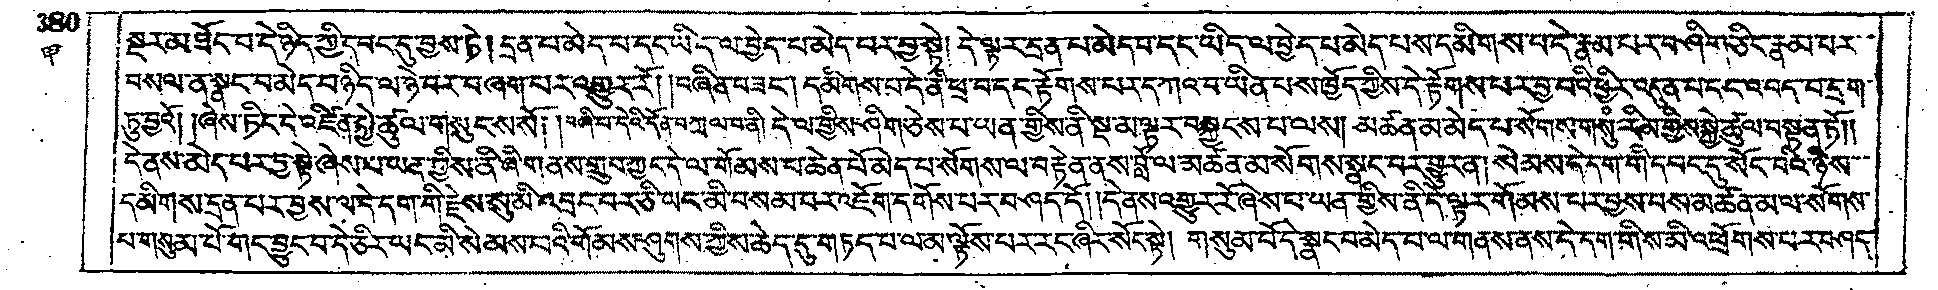སྔར་མཐོང་བ་དེ་ཉིད་ཀྱིས་དབང་དུ་བྱས་ཏེ། དྲན་པ་མེད་པ་དང་ཡིད་ལ་བྱེད་པ་མེད་པར་བྱ་སྟེ། དེ་ལྟར་དྲན་པ་མེད་པ་དང་ཡིད་ལ་བྱེད་པ་མེད་པས་དམིགས་པ་དེ་རྣམ་པར་བཤིག་ཅིང་རྣམ་པར་
བསལ་ན་སྣང་བ་མེད་བ་ཉིད་ལ་ཉེ་བར་བཞག་པར་འགྱུར་རོ། །བཞིན་བཟང་། དམིགས་པ་དེ་ནི་ཕྲ་བ་དང་རྟོགས་པར་དཀའ་བ་ཡིན་པས་ཁྱོད་ཀྱིས་དེ་རྟོགས་པར་བྱ་བའི་ཕྱིར་འདུན་པ་དང་འབད་པ་དྲག་
ཏུ་བྱའོ། །ཞེས་ཏིང་ངེ་འཛིན་སྐྱེ་ཚུལ་གསུངས་སོ། །བཞི་པ་དེའི་དོན་བཀྲལ་བ་ནི།  དེ་ལ་གྱིས་ཤིག་ཅེས་པ་ཡན་གྱིས་ནི་སྔ་མ་ལྟར་བསྐྱངས་པ་ལས། མཚན་མ་མེད་པ་སོགས་གསུཾ་རིམ་གྱིས་སྐྱེ་ཚུལ་བསྟན་ཏོ།།
དེ་ནས་མེད་པར་བྱ་སྟེ་ཞེས་པ་ཡན་གྱིས་ནི་ཞི་གནས་གྲུབ་ཀྱང་དེ་ལ་གོམས་པ་ཆེན་པོ་མེད་པ་སོགས་ལ་བརྟེན་ནས་བློ་ལ་མཚན་མ་སོགས་སྣང་བར་འགྱུར་ན། སེམས་དེ་དག་གི་དབང་དུ་སོང་བའི་ཉིས་
དམིགས་དྲན་པར་བྱས་ལ་དེ་དག་གི་རྗེས་སུ་མི་འབྲང་བར་ཅི་ཡང་མི་བསམ་པར་འཇོག་དགོས་པར་བཤད་དོ། །དེ་ནས་འགྱུར་རོ་ཞེས་པ་ཡན་གྱིས་ནི་དེ་ལྟར་གོམས་པར་བྱས་པས་མཚན་མ་ལ་སོགས་
པ་གསུམ་པོ་གང་བྱུང་བ་དེ་ཅིར་ཡང་མི་སེམས་བའི་གོམས་ཤུགས་ཀྱིས་ཆེད་དུ་གཏད་པ་ལ་མ་ལྟོས་པར་རང་ཞིར་སོང་སྟེ། གསུམ་པོ་དེ་སྣང་བ་མེད་པ་ལ་གནས་ནས་དེ་དག་གིས་མི་འཕྲོགས་པར་བཤད་